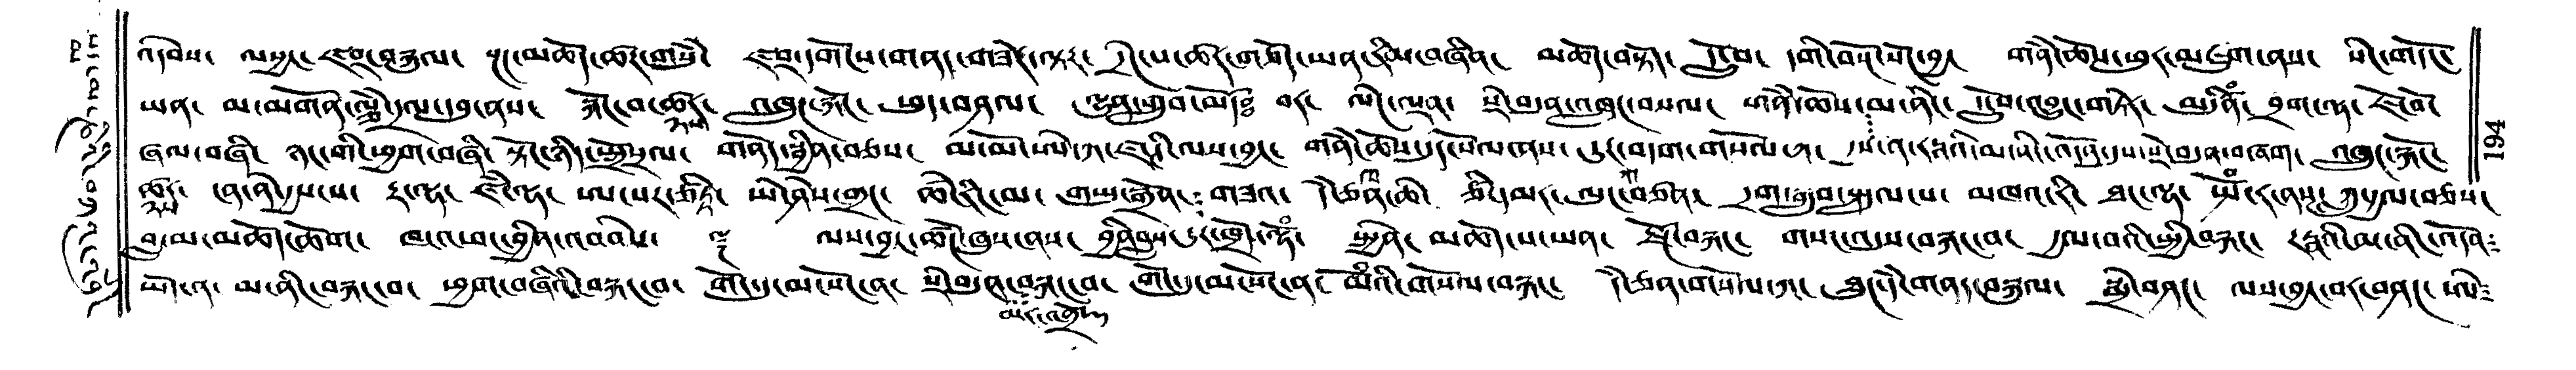འདེབས། ལས་བྱང་། ཛབ་སྐུལ། སྔགས་མཆོད་ཚར་གསུམ། ཛབ་དགོངས་གནད་གཟེར་ལྟར། དྲེགས་པ་ཚར་གཅོད༴ ཡན་རིམ་བཞིན། མཆོད་བསྟོད། དངོས་གྲུབ། དགེ་བསྔོ་སོགས་བྱ། གནམ་ཆོས་ཕུར་མཇུག་ནས། སེང་གདོང་
ཡན། མ་མགོན་ལྕམ་དྲལ་དབུ་ནས། སྐོང་བ་ཚར་ཉེར་ལྔ། འཁྲུགས་སྐོང་། ཕུད་བཤལ། ལྷུན་གྲུབ་མཛོད༔ བར། ལེགས་ལྡན། སྡེ་བདུན་འཁྲུགས་བསལ། གནམ་ཆོས་མ་ནིང་། དངོས་གྲུབ་འབྱུང་གཏེར། མདུང་འཛིན། བྲག་ལྷ། ཇོ་བོ་
ཞལ་བཞི། ཉང་གི་ཕྱག་བཞི། སྟོང་ཉིད་སྤྲོས་དྲལ། གནོད་སྦྱིན་བཅས། མ་མོ་ཨེ་ཀ་ཛ་ཊིའི་ལས་བྱང་། གནམ་ཆོས་དུད་སོལ་ནས། དུར་བདག་གསོལ་ཀ།འཁྲུགས་སྐོང་
ཚར་ཉེར་ལྔ། ངན་ནེ་རྒྱས་པ། རྟ་ལྷ། ཛམ་ལ། ཨ་པར་ཙིཏྟ། ཡེ་ཤེས་གྲགས། ཚེ་རིང་མ། གཡུ་སྒྲོན། དུར་ཁྲོད་ལྷ་མོ། གཟའ། དམ་ཅན། ཙིའུ་དམར། ལུང་བཙན། དྲག་སྒྲུབ་སྤྲུལ་པ། མཁའ་རི། ཐང་ལྷ། སྤོམ་ར་ནས། ཀླུ་རྒྱལ་བཅས། 
བླ་མ་མཆོད་ཆོག ཁ་འཕང་བྱིན་འབེབས། ལས་བྱང་ཚོགས་ཞུས་ནས་བྱིན་རླབས། སྤྱན་འདྲེན། མཆོད་པ་ཡན། རྫོགས་བསྐང་། གསང་འདུས་བསྐང་བ། རྒྱལ་བ་སྤྱི་བསྐང་། རཏྣའི་མ་ནིང་འདོན་
ཡོད་ན། མ་ནིང་བསྐང་བ། ཕྱག་བཞིའི་བསྐང་བ། གོང་དུ་མ་སོང་ན། སྡེ་བདུན་མར་འགྲོན་བསྐང་བ། གོང་དུ་མ་སོང་ན། མ་མོའི་གསོལ་བསྐང་། དམ་ཅན་གསོལ་ཀ ཐུགས་དམ་གནད་བསྐུལ། སྨྲེ་བཤགས། ལས་བྱང་བར་བཤགས། ཨེ་